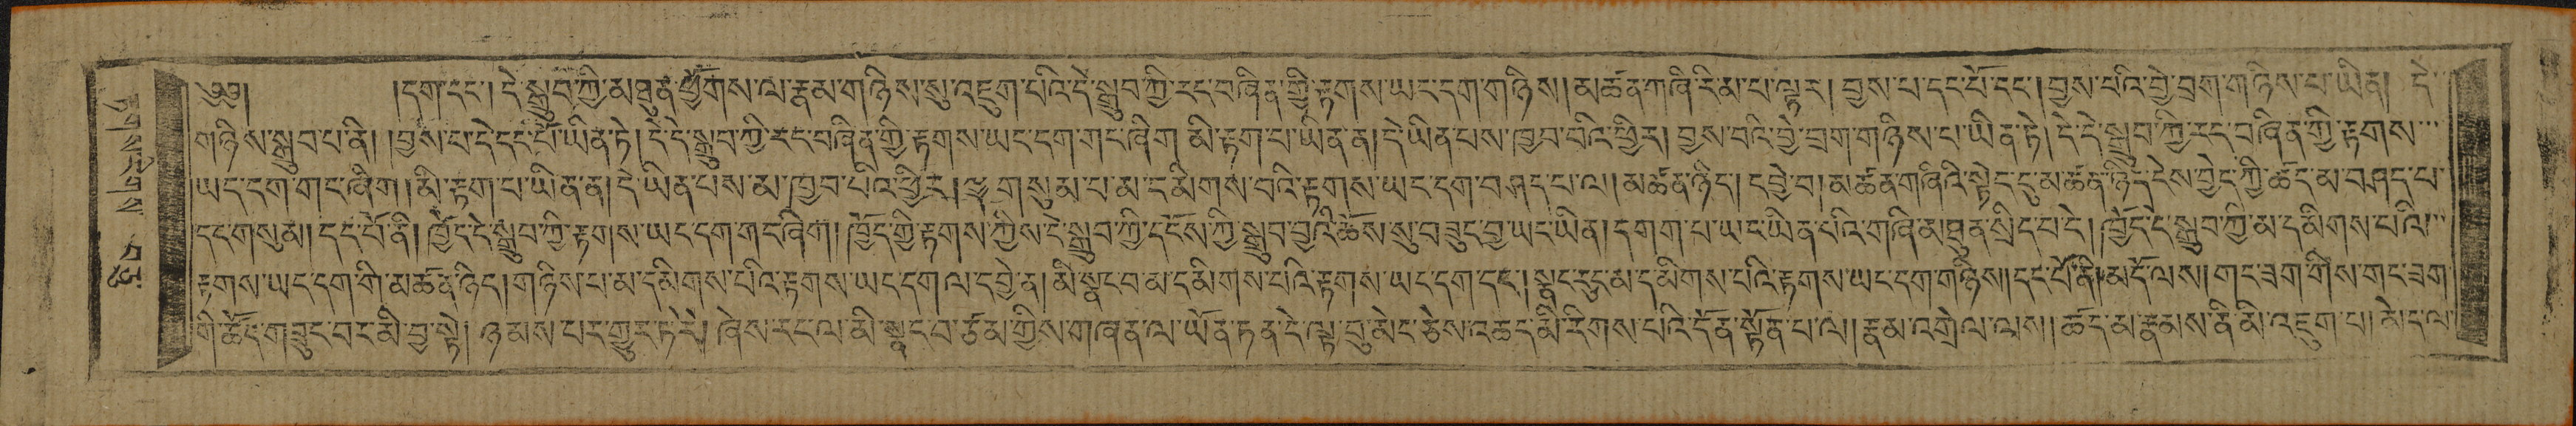༄༅། །དག་དང་། དེ་སྒྲུབ་ཀྱི་མཐུན་ཕྱོགས་ལ་རྣམ་གཉིས་སུ་འཇུག་པའི་དེ་སྒྲུབ་ཀྱི་རང་བཞིན་གྱི་རྟགས་ཡང་དག་གཉིས། མཚན་གཞི་རིམ་པ་ལྟར། བྱས་པ་དང་པོ་དང་། བྱས་པའི་བྱེ་བྲག་གཉིས་པ་ཡིན། དེ་
གཉིས་སྒྲུབ་པ་ནི། །བྱས་པ་དེ་དང་པོ་ཡིན་ཏེ། དེ་དེ་སྒྲུབ་ཀྱི་རང་བཞིན་གྱི་རྟགས་ཡང་དག་གང་ཞིག་མི་རྟག་པ་ཡིན་ན། དེ་ཡིན་པས་ཁྱབ་པའི་ཕྱིར། བྱས་པའི་བྱེ་བྲག་གཉིས་པ་ཡིན་ཏེ། དེ་དེ་སྒྲུབ་ཀྱི་རང་བཞིན་གྱི་རྟགས་
ཡང་དག་གང་ཞིག །མི་རྟག་པ་ཡིན་ན། དེ་ཡིན་པས་མ་ཁྱབ་པའི་ཕྱིར། ༈ གསུམ་པ་མ་དམིགས་པའི་རྟགས་ཡང་དག་བཤད་པ་ལ། མཚན་ཉིད། དབྱེ་བ། མཚན་གཞིའི་སྟེང་དུ་མཚན་ཉིད་ངེས་བྱེད་ཀྱི་ཚད་མ་བཤད་པ་
དང་གསུམ། དང་པོ་ནི། ཁྱོད་དེ་སྒྲུབ་ཀྱི་རྟགས་ཡང་དག་གང་ཞིག །ཁྱོད་ཀྱི་རྟགས་ཀྱིས་དེ་སྒྲུབ་ཀྱི་དངོས་ཀྱི་སྒྲུབ་བྱའི་ཆོས་སུ་བཟུང་བྱ་ཡང་ཡིན། དགག་པ་ཡང་ཡིན་པའི་གཞི་མཐུན་སྲིད་པ་དེ། ཁྱོད་དེ་སྒྲུབ་ཀྱི་མ་དམིགས་པའི་
རྟགས་ཡང་དག་གི་མཚན་ཉིད། གཉིས་པ་མ་དམིགས་པའི་རྟགས་ཡང་དག་ལ་དབྱེ་ན། མི་སྣང་བ་མ་དམིགས་པའི་རྟགས་ཡང་དག་དང་། སྣང་རུང་མ་དམིགས་པའི་རྟགས་ཡང་དག་གཉིས། དང་པོ་ནི། མདོ་ལས། གང་ཟག་གིས་གང་ཟག་
གི་ཚོད་གཟུང་བར་མི་བྱ་སྟེ། ཉམས་པར་གྱུར་ཏེ་རེ། ཞེས་རང་ལ་མི་སྣང་བ་ཙམ་གྱིས་གཞན་ལ་ཡོན་ཏན་དེ་ལྟ་བུ་མེད་ཅེས་འཆད་མི་རིགས་པའི་དོན་སྟོན་པ་ལ། རྣམ་འགྲེལ་ལས། ཚད་མ་རྣམས་ནི་མི་འཇུག་པ། མེད་ལ་